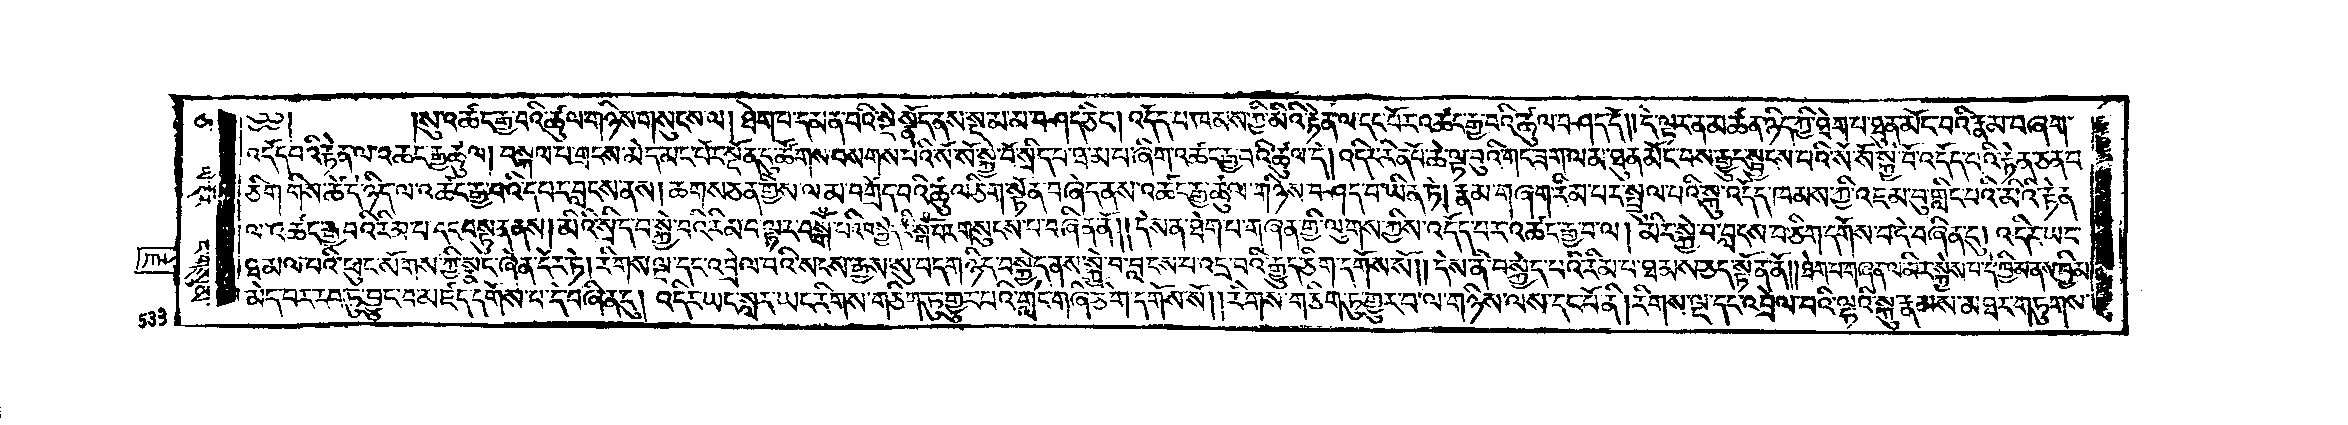༄༅། །སུ་འཚང་རྒྱ་བའི་ཚུལ་གཉིས་གསུངས་ལ། ཐེག་པ་དམན་པའི་སྡེ་སྣོད་ནས་སྔ་མ་མ་བཤད་ཅིང་། འདོད་པ་ཁམས་ཀྱི་མིའི་རྟེན་ལ་དང་པོར་འཚང་རྒྱ་བའི་ཚུལ་བཤད་དོ། །དེ་ལྟར་ན་མཚན་ཉིད་ཀྱི་ཐེག་པ་ཐུན་མོང་བའི་རྣམ་བཞག་
འདོད་པའི་རྟེན་ལ་འཚང་རྒྱ་ཚུལ། བསྐལ་པ་གྲངས་མེད་མང་པོར་སྔོན་དུ་ཚོགས་བསགས་པའི་སོ་སོ་སྐྱེ་བོ་སྲིད་པ་ཐ་མ་པ་ཞིག་འཚང་རྒྱ་བའི་ཚུལ་དེ། འདིར་རིན་པོ་ཆེ་ལྟ་བུའི་གང་ཟག་ལམ་ཐུན་མོང་བས་རྒྱུད་སྦྱངས་པའི་སོ་སོ་སྐྱེ་བོ་འདོད་པའི་རྟེན་ཅན་པ་
ཅིག་གིས་ཚེ་དེ་ཉིད་ལ་འཚང་རྒྱ་བའི་དཔེར་བླངས་ནས། ཆགས་ཅན་གྱིས་ལམ་བགྲོད་པའི་ཚུལ་ཅིག་སྟོན་བཞེད་ནས་འཚང་རྒྱ་ཚུལ་གཉིས་བཤད་པ་ཡིན་ཏེ། རྣམ་གཞག་རིམ་པར་སྤྲུལ་པའི་སྐུ་འདོད་ཁམས་ཀྱི་འཛམ་བུ་གླིང་པའི་མིའི་རྟེན་
ལ་འཚང་རྒྱ་བའི་རིམ་པ་དང་བསྟུན་ནས། མིའི་སྲིད་པ་སྐྱེ་བའི་རིམ་པ་ལྟར་བསྒོམ་པའི་བསྐྱེད་རིམ་སྒོམ་པར་གསུངས་པ་བཞིན་ནོ། །དེས་ན་ཐེག་པ་གཞན་གྱི་ལུགས་ཀྱིས་འདོད་པར་འཚང་རྒྱ་བ་ལ། མིར་སྐྱེ་བ་བླངས་པ་ཅིག་དགོས་པ་དེ་བཞིན་དུ། འདིར་ཡང་
ཐ་མལ་པའི་ཕུང་སོགས་ཀྱི་སྣང་ཞེན་དོར་ཏེ། རིགས་ལྔ་དང་འབྲེལ་བའི་སངས་རྒྱས་སུ་བདག་ཉིད་བསྐྱེད་ནས་སྐྱེ་བ་བླངས་པ་འདྲ་བའི་རྒྱུད་ཅིག་དགོས་སོ། །དེས་ན་བསྐྱེད་པའི་རིམ་པ་ཐམས་ཅད་སྟོན་ནོ། །ཐེག་པ་གཞན་ལ་མིར་སྐྱེས་པ་དེ་ཁྱིམ་ནས་ཁྱིམ་
མེད་པར་རབ་ཏུ་བྱུང་བ་མཛད་དགོས་པ་དེ་བཞིན་དུ། འདིར་ཡང་སླར་ཡང་རིགས་གཅིག་ཏུ་གྱུར་པའི་གླེང་གཞི་ཅིག་དགོས་སོ། །རིགས་གཅིག་ཏུ་གྱུར་པ་ལ་གཉིས་ལས་དང་པོ་ནི། རིགས་ལྔ་དང་འབྲེལ་བའི་ལྷའི་སྐུ་རྣམས་མཐར་གཏུགས་